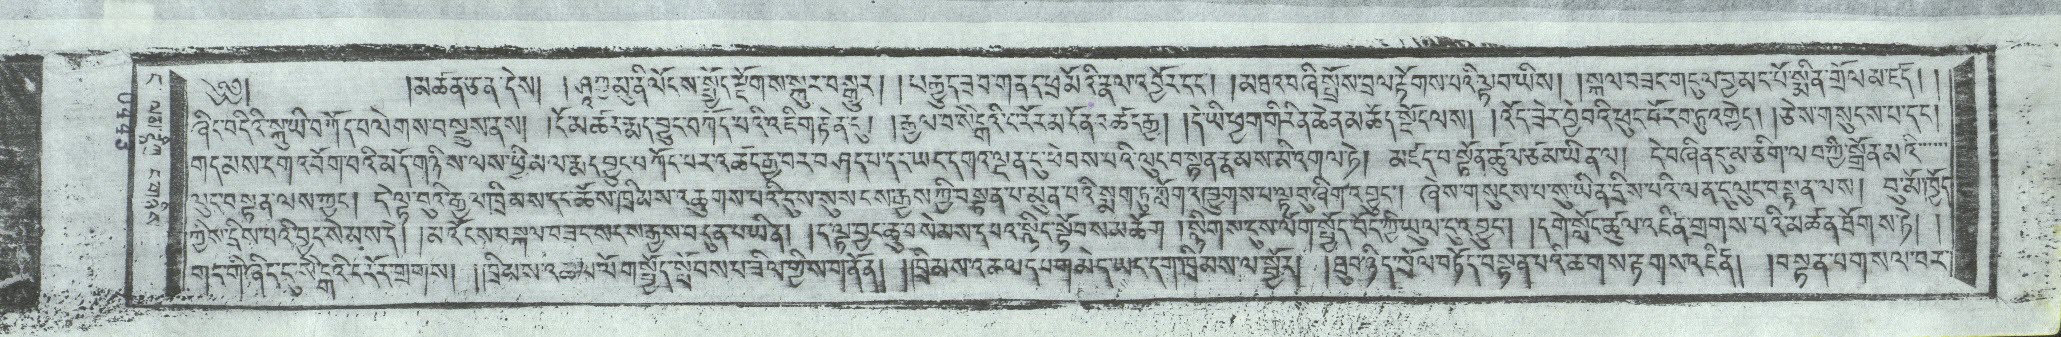༄༅། །མཚན་ཅན་དེས། །ཤཱཀྱ་མུ་ནི་ལོངས་སྤྱོད་རྫོགས་སྐུར་བསྒྱུར། །པ་རྒྱུད་ཟབ་གནད་ཕྲ་མོའི་རྣལ་འབྱོར་དང་། །མཐའ་བཞི་སྤྲོས་བྲལ་རྟོགས་པའི་ལྟ་བ་ཡིས། །སྐལ་བཟང་གདུལ་བྱ་མད་པོ་སྨིན་གྲོལ་མཛད། །
ཞིང་བདེའི་སྐུ་ཡི་བཀོད་པ་ལེགས་བསྡུས་ནས། །ངོ་མཚར་རྨད་བྱུང་བཀོད་པའི་འཇིག་རྟེན་དུ། །རྒྱལ་བ་སེངྒེའི་རོར་མངོན་འཚད་རྒྱ། །དེ་ཡི་ཕྱག་གི་རིན་ཆེན་མཆོད་སྔོད་ལས། །འོད་ཟེར་བྱེ་བའི་ཕུང་པོ་རབ་ཏུ་འགྱེད། །ཅེས་གསུངས་པ་དང་།
གདམས་དགའ་བོག་པའི་མདོ་གཉིས་ལས་ཕྱི་མ་ལ་རྨད་བྱུང་པ་ཀོང་པར་འཚང་རྒྱ་བར་བཤད་པ་དང་ཡང་དགའ་ལྡན་དུ་ཕེབས་པའི་ལུང་བསྟན་རྣམས་མི་འགལ་ཏེ། མཛད་པ་སྟོན་ཚུལ་ཙམ་ཡིན་ལ། དེ་བཞིན་དུ་མ་ཅིག་ལ་བ་ཀྱི་སྒྲོན་མའི་
ལུང་བསྟན་ལས་ཀྱང་། དེ་ལྟ་བུའི་རྒྱལ་ཁྲིམས་དང་ཆོས་ཁྲིམས་འཆུགས་པའི་དུས་སུ་སངས་རྒྱས་ཀྱི་བསྟན་པ་མུན་པའི་སྨག་ཏུ་ཀློག་འཁྱུགས་པ་ལྟ་བུ་ཞིག་འབྱུང་། ཞེས་གསུངས་པ་སུ་ཡིན་དྲིས་པའི་ལན་དུ་ལུང་བསྟན་ལས། བུ་མོ་ཁྱོད་
ཀྱིས་དྲིས་པའི་བྱང་སེམས་དེ། །མ་འོངས་བསྐལ་བཟང་སངས་རྒྱས་བདུད་པ་ཡིན། །ད་ལྟ་བྱང་ཆུབ་སེམས་དཔའི་སྙིང་སྟོབས་མཆོག །སྙིགས་དུས་ལོག་སྤྱོད་བོད་ཀྱི་ཡུལ་དུ་འབྱུང་། །དགེ་སློང་ཚུལ་འཛིན་གྲགས་པའི་མཚན་ཟོགས་ཏེ། །
གང་གི་ཞིང་དུ་སེངྒེའི་ང་རོར་གྲགས། །།བྲི་མས་འཆལ་ལོག་སྦྱོད་སྤོབས་པ་ཟིལ་གྱི་ས་ག་ནོན། །ཁྲིམས་འཆལ་དཔག་མེད་ཡང་དག་ཁྲིམས་ལ་སྦྱོར། །ཐུབ་ཉིད་སྲོལ་བཏོད་བསྟན་པའི་ཆགས་རྟགས་འཛིན། །བསྟན་པ་གསལ་བར་